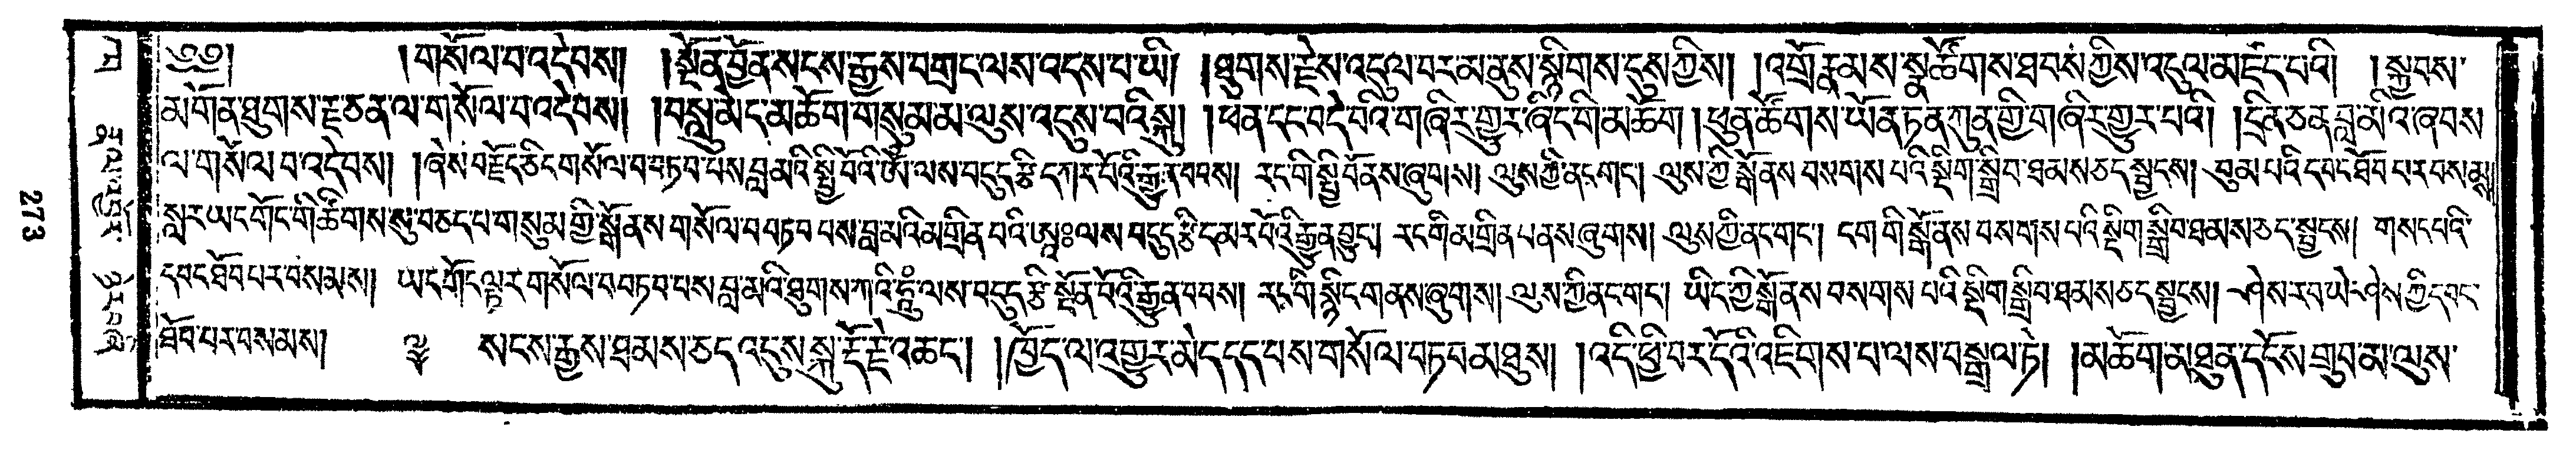༄༅། །གསོལ་བ་འདེབས། །སྔོན་བྱོན་སངས་རྒྱས་བགྲང་ལས་འདས་པ་ཡི། །ཐུགས་རྗེས་འདུལ་བར་མ་ནུས་སྙིགས་དུས་ཀྱིས། །འགྲོ་རྣམས་སྣ་ཚོགས་ཐབས་ཀྱིས་འདུལ་མཛད་པའི། །སྐྱབས་
མགོན་ཐུགས་རྗ་ཅན་ལ་གསོལ་བ་འདེབས། །བསླུ་མེད་མཆོག་གསུམ་མ་ལུས་འདུས་པའི་སྐུ། །ཕན་དང་བདེ་བའི་གཞིར་གྱུར་ཞིང་གི་མཆོག །ཕུན་ཚོགས་ཡོན་ཏན་ཀུན་གྱི་གཞིར་གྱུར་པའི། །དྲིན་ཅན་བླ་མའི་ཞབས་
ལ་གསོལ་བ་འདེབས། །ཞེས་བརྗོད་ཅིང་གསོལ་བ་བཏབ་པས་བླ་མའི་སྤྱི་བོའི་ཨོཾ་ལས་བདུད་རྩི་དཀར་པོའི་རྒྱུན་བབས། རང་གི་སྤྱི་བོ་ནས་ཞུགས། ལུས་ཀྱི་ནང་གང་། ལུས་ཀྱི་སྒོ་ནས་བསགས་པའི་སྡིག་སྒྲིབ་ཐམས་ཅད་སྦྱངས། བུམ་པའི་དབང་ཐོབ་པར་བསམས།
སླར་ཡང་གོང་གི་ཚིགས་སུ་བཅད་པ་གསུམ་གྱི་སྒོ་ནས་གསོལ་བ་བཏབ་པས་བླ་མའི་མགྲིན་པའི་ཨཱཿ ལས་བདུད་རྩི་དམར་པོའི་རྒྱུན་བྱུང་། རང་གི་མགྲིན་པ་ནས་ཞུགས། ལུས་ཀྱི་ནང་གང་། དག་གི་སྒོ་ནས་བསགས་པའི་སྡིག་སྒྲིབ་ཐམས་ཅད་སྦྱངས། གསང་པའི་
དབང་ཐོབ་པར་བསམས། ཡང་གོང་ལྟར་གསོལ་བ་བཏབ་པས་བླ་མའི་ཐུགས་ཀའི་ཧཱུཾ་ལས་བདུད་རྩི་སྔོན་པོའི་རྒྱུན་བབས། རང་གི་སྙིང་གནས་ཞུགས། ལུས་ཀྱི་ནང་གང་། ཡིད་ཀྱི་སྒོ་ནས་བསགས་པའི་སྡིག་སྒྲིབ་ཐམས་ཅད་སྦྱངས། ཤེས་རབ་ཡེ་ཤེས་ཀྱི་དབང་
ཐོབ་པར་བསམས། ༈ སངས་རྒྱས་ཐམས་ཅད་འདུས་སྐུ་རྡོ་རྗེ་འཆང་། །ཁྱོད་ལ་འགྱུར་མེད་དད་པས་གསོལ་བཏབ་མཐུས། །འདི་ཕྱི་བར་དོའི་འཇིགས་པ་ལས་བསྒྲལ་ཏེ། །མཆོག་མཐུན་དངོས་གྲུབ་མ་ལུས་